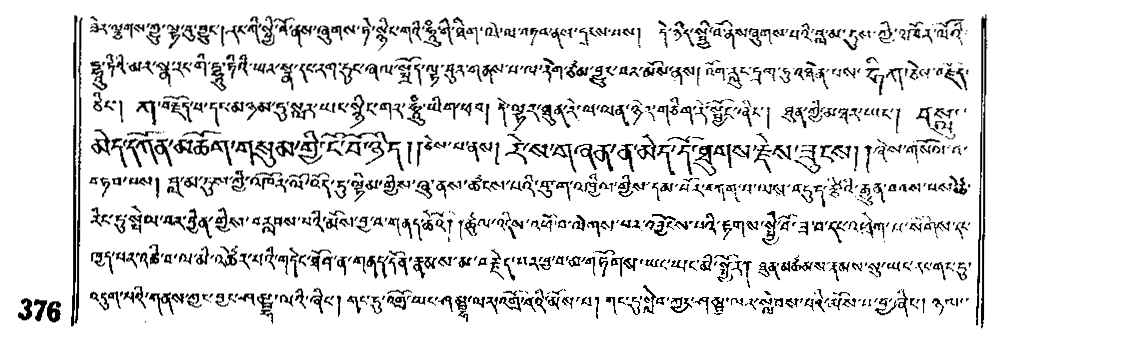ཟེར་ལྕགས་ཀྱུ་ལྟ་བུ་བྱུང་། རང་གི་སྤྱི་བོ་ནས་ཞུགས་ཏེ་སྙིང་གའི་ཧཱུཾ་གི་ཐིག་ལེ་ལ་བཏབ་ནས་དྲངས་པས། དེ་ཉིད་སྤྱི་བོ་ནས་ཞུགས་པའི་བླ་མ་དུས་ཀྱི་འཁོར་ལོའི་
དྷཱུ་ཏིའི་མར་སྣ་རང་གི་དྷཱུ་ཏིའི་ཡར་སྣ་དང་རག་དུང་ཞལ་སྤྲོད་ལྟ་བུར་གནས་པ་ལ་རེག་ཙམ་བྱུང་བར་མོས་ནས། འོག་རླུང་དྲག་ཏུ་འཐེན་པས་ཧི་ཀ་ཅེས་བརྗོད་
ཅིང་། ཀ་བརྗོད་པ་དང་མཉམ་དུ་སླར་ཡང་སྙིང་གར་ཧཱུཾ་ཡིག་ཕབ། དེ་ལྟར་ཐུན་རེ་ལ་ལན་ཉེར་གཅིག་རེ་སྦྱོང་ཞིང་། ཐུན་གྱི་མཐར་ཡང་། བསླུ་
མེད་དཀོན་མཆོག་གསུམ་གྱི་ངོ་བོ་ཉིད། །ཅེས་པ་ནས།  རེ་ས་གཞན་ན་མེད་དོ་ཐུགས་རྗེས་ཟུངས། །ཞེས་གསོལ་བ་
བཏབ་པས། བླ་མ་དུས་ཀྱི་འཁོར་ལོ་འོད་དུ་ལྟིམ་གྱིས་ཞུ་ནས་ཚངས་པའི་བུ་ག་འཁྱིལ་གྱིས་དམ་པོར་བཀག་པ་ལས་བདུད་རྩིའི་རྒྱུན་བབས་པས་ཚེ་
རིང་དུ་སྤེལ་བར་བྱིན་གྱིས་བརླབས་པའི་མོས་བྱ་བ་གནད་ཆེའོ། །ཚུལ་འདིས་འཕོ་བ་ལེགས་པར་འབྱོངས་པའི་རྟགས་སྤྱི་བོ་ཟ་བ་དང་འཕྲེག་པ་སོགས་དང་
ཁྱད་པར་འཆི་བ་ལ་མི་འཚེར་པའི་གདེང་ཐོབ་ན་གནད་དོན་རྣམས་མ་བརྗེད་པར་བྱ་བ་མ་གཏོགས་ཡང་ཡང་མི་སྦྱོར། ཐུན་མཚམས་རྣམས་སུ་ཡང་རང་གང་དུ་
འདུག་པའི་གནས་ཀྱང་བྱང་ཤམྦྷ་ལའི་ཞིང་། གང་དུ་འགྲོ་ཡང་ཤམྦྷ་ལར་འགྲོ་བའི་མོས་པ། གང་དུ་སླེབ་ཀྱང་ཤམྦྷ་ལར་སླེབས་པའི་མོས་པ་བྱ་ཞིང་། ཉལ་